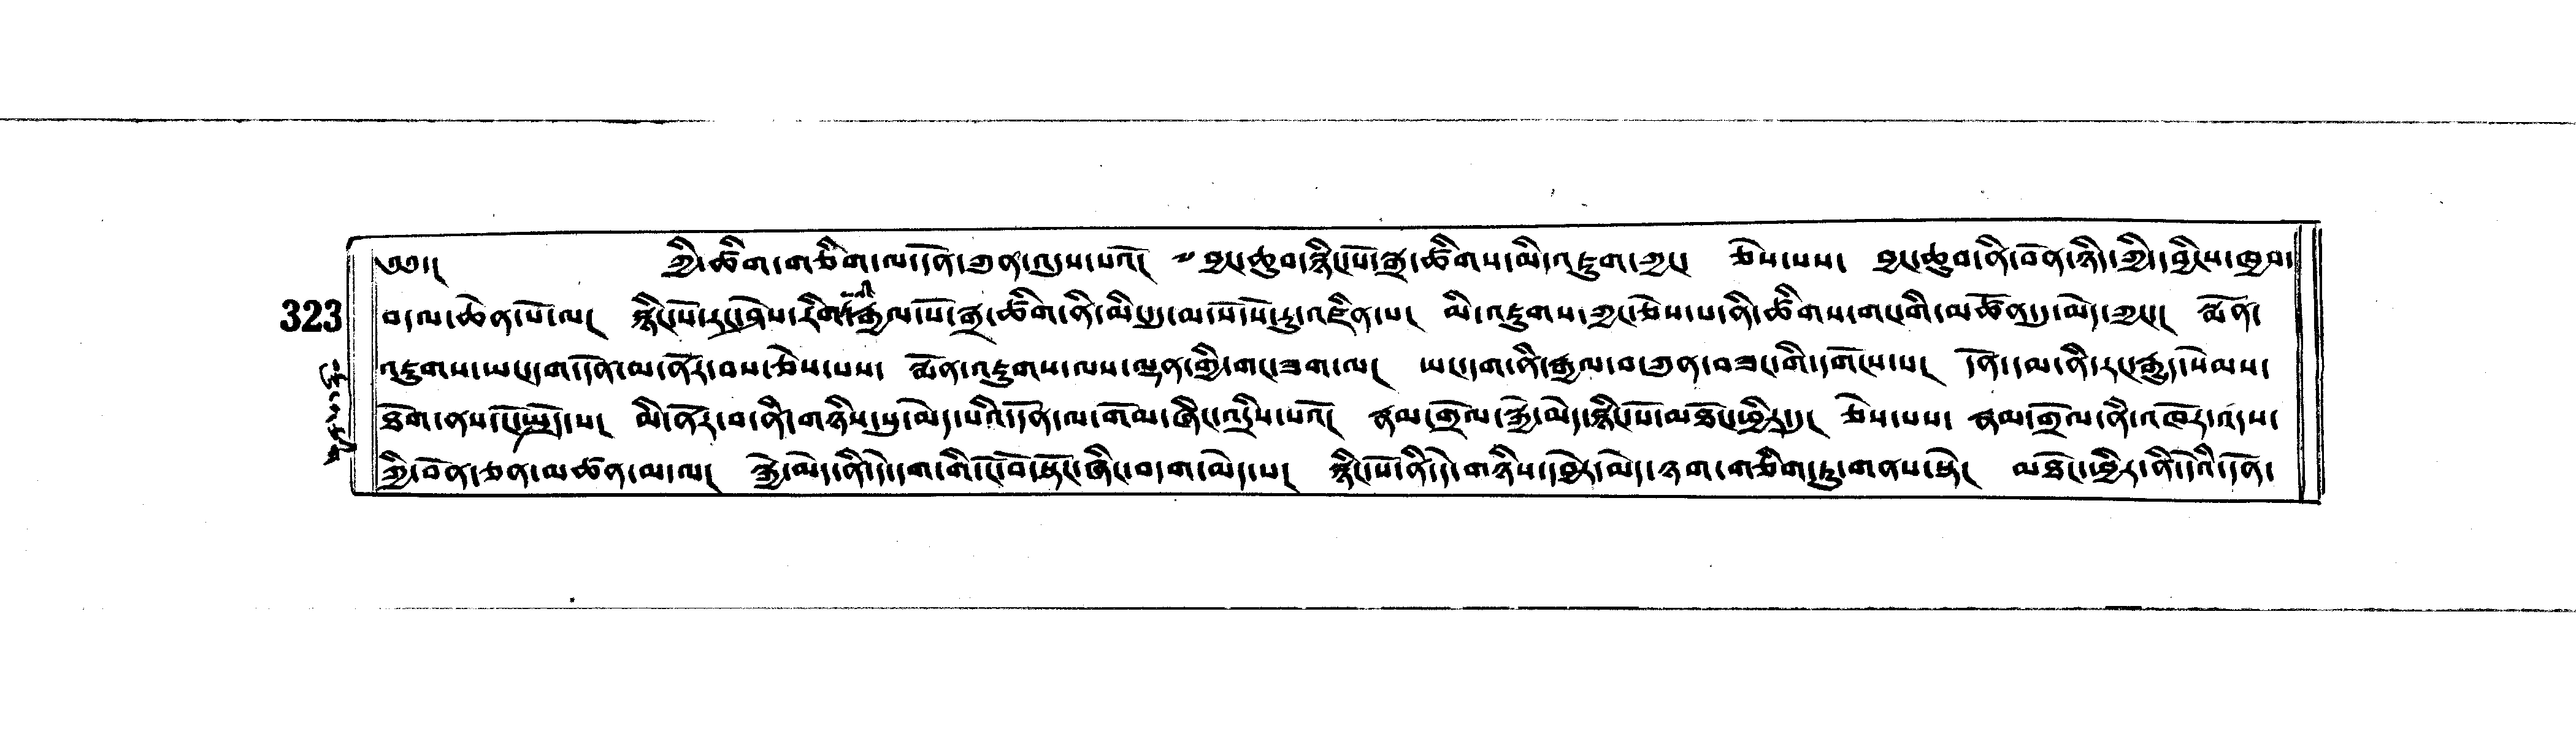ཀྱི་ཚིག་གཅིག་ལ་དོན་ཀུན་འདུས་པའོ། ༧ བྱང་ཆུབ་སྙིང་པོ་སྒྲ་ཚིག་མི་འཇུག་ཀྱང་། ཅེས་པས་བྱང་ཆུབ་ནི་བོན་ཉིད་ཀྱི་དབྱིངས་ཁྱབ་
བདལ་ཆེན་པོ་ལ། སྙིང་པོ་རང་ཤེས་རིག་གི་རྒྱལ་པོ་སྒྲ་ཚིག་ནི་མིང་དུ་མ་སོ་སོ་རུ་འཛིན་པ། མི་འཇུག་ཀྱང་ཅེས་པ་ནི་ཚིག་གང་གིས་མཚོན་དུ་མེད་ཀྱང་། སྨོན་
འཇུག་ཡང་དག་དོན་མ་ནོར་བས། ཅེས་པས་སྨོན་འཇུག་ལས་ལྡན་གྱི་གང་ཟག་ལ་ཡང་དག་ནི་རྒྱལ་བ་ཀུན་བཟང་གི་དགོངས་པ། དོན་དམ་ནི་རང་རྒྱུད་སེམས་
ཐོག་ནས་ངོ་སྤྲོད་པ། མི་ནོར་བ་ནི་གཉིས་སུ་མེད་པའིོ་དོན་ལ་གོམས་ཤིང་འདྲིས་པའོ། རྣམ་གྲོལ་སྐྱེ་མེད་སྙིང་པོ་མཐོང་ཕྱིར་དུ། ཅེས་པས་རྣམ་གྲོལ་ནི་འཁོར་འདས་
ཀྱི་བོན་ཅན་མཚན་མ་ལ། སྐྱེ་མེད་ནི་དེ་དག་གི་ངོ་བོ་སྟོང་ཞིང་བདག་མེད་པ། སྙིང་པོ་ནི་དེ་གཉིས་དབྱེར་མེད་ཉག་གཅིག་ཏུ་གནས་ཏེ། མཐོང་ཕྱིར་ནི་དེའི་དོན་